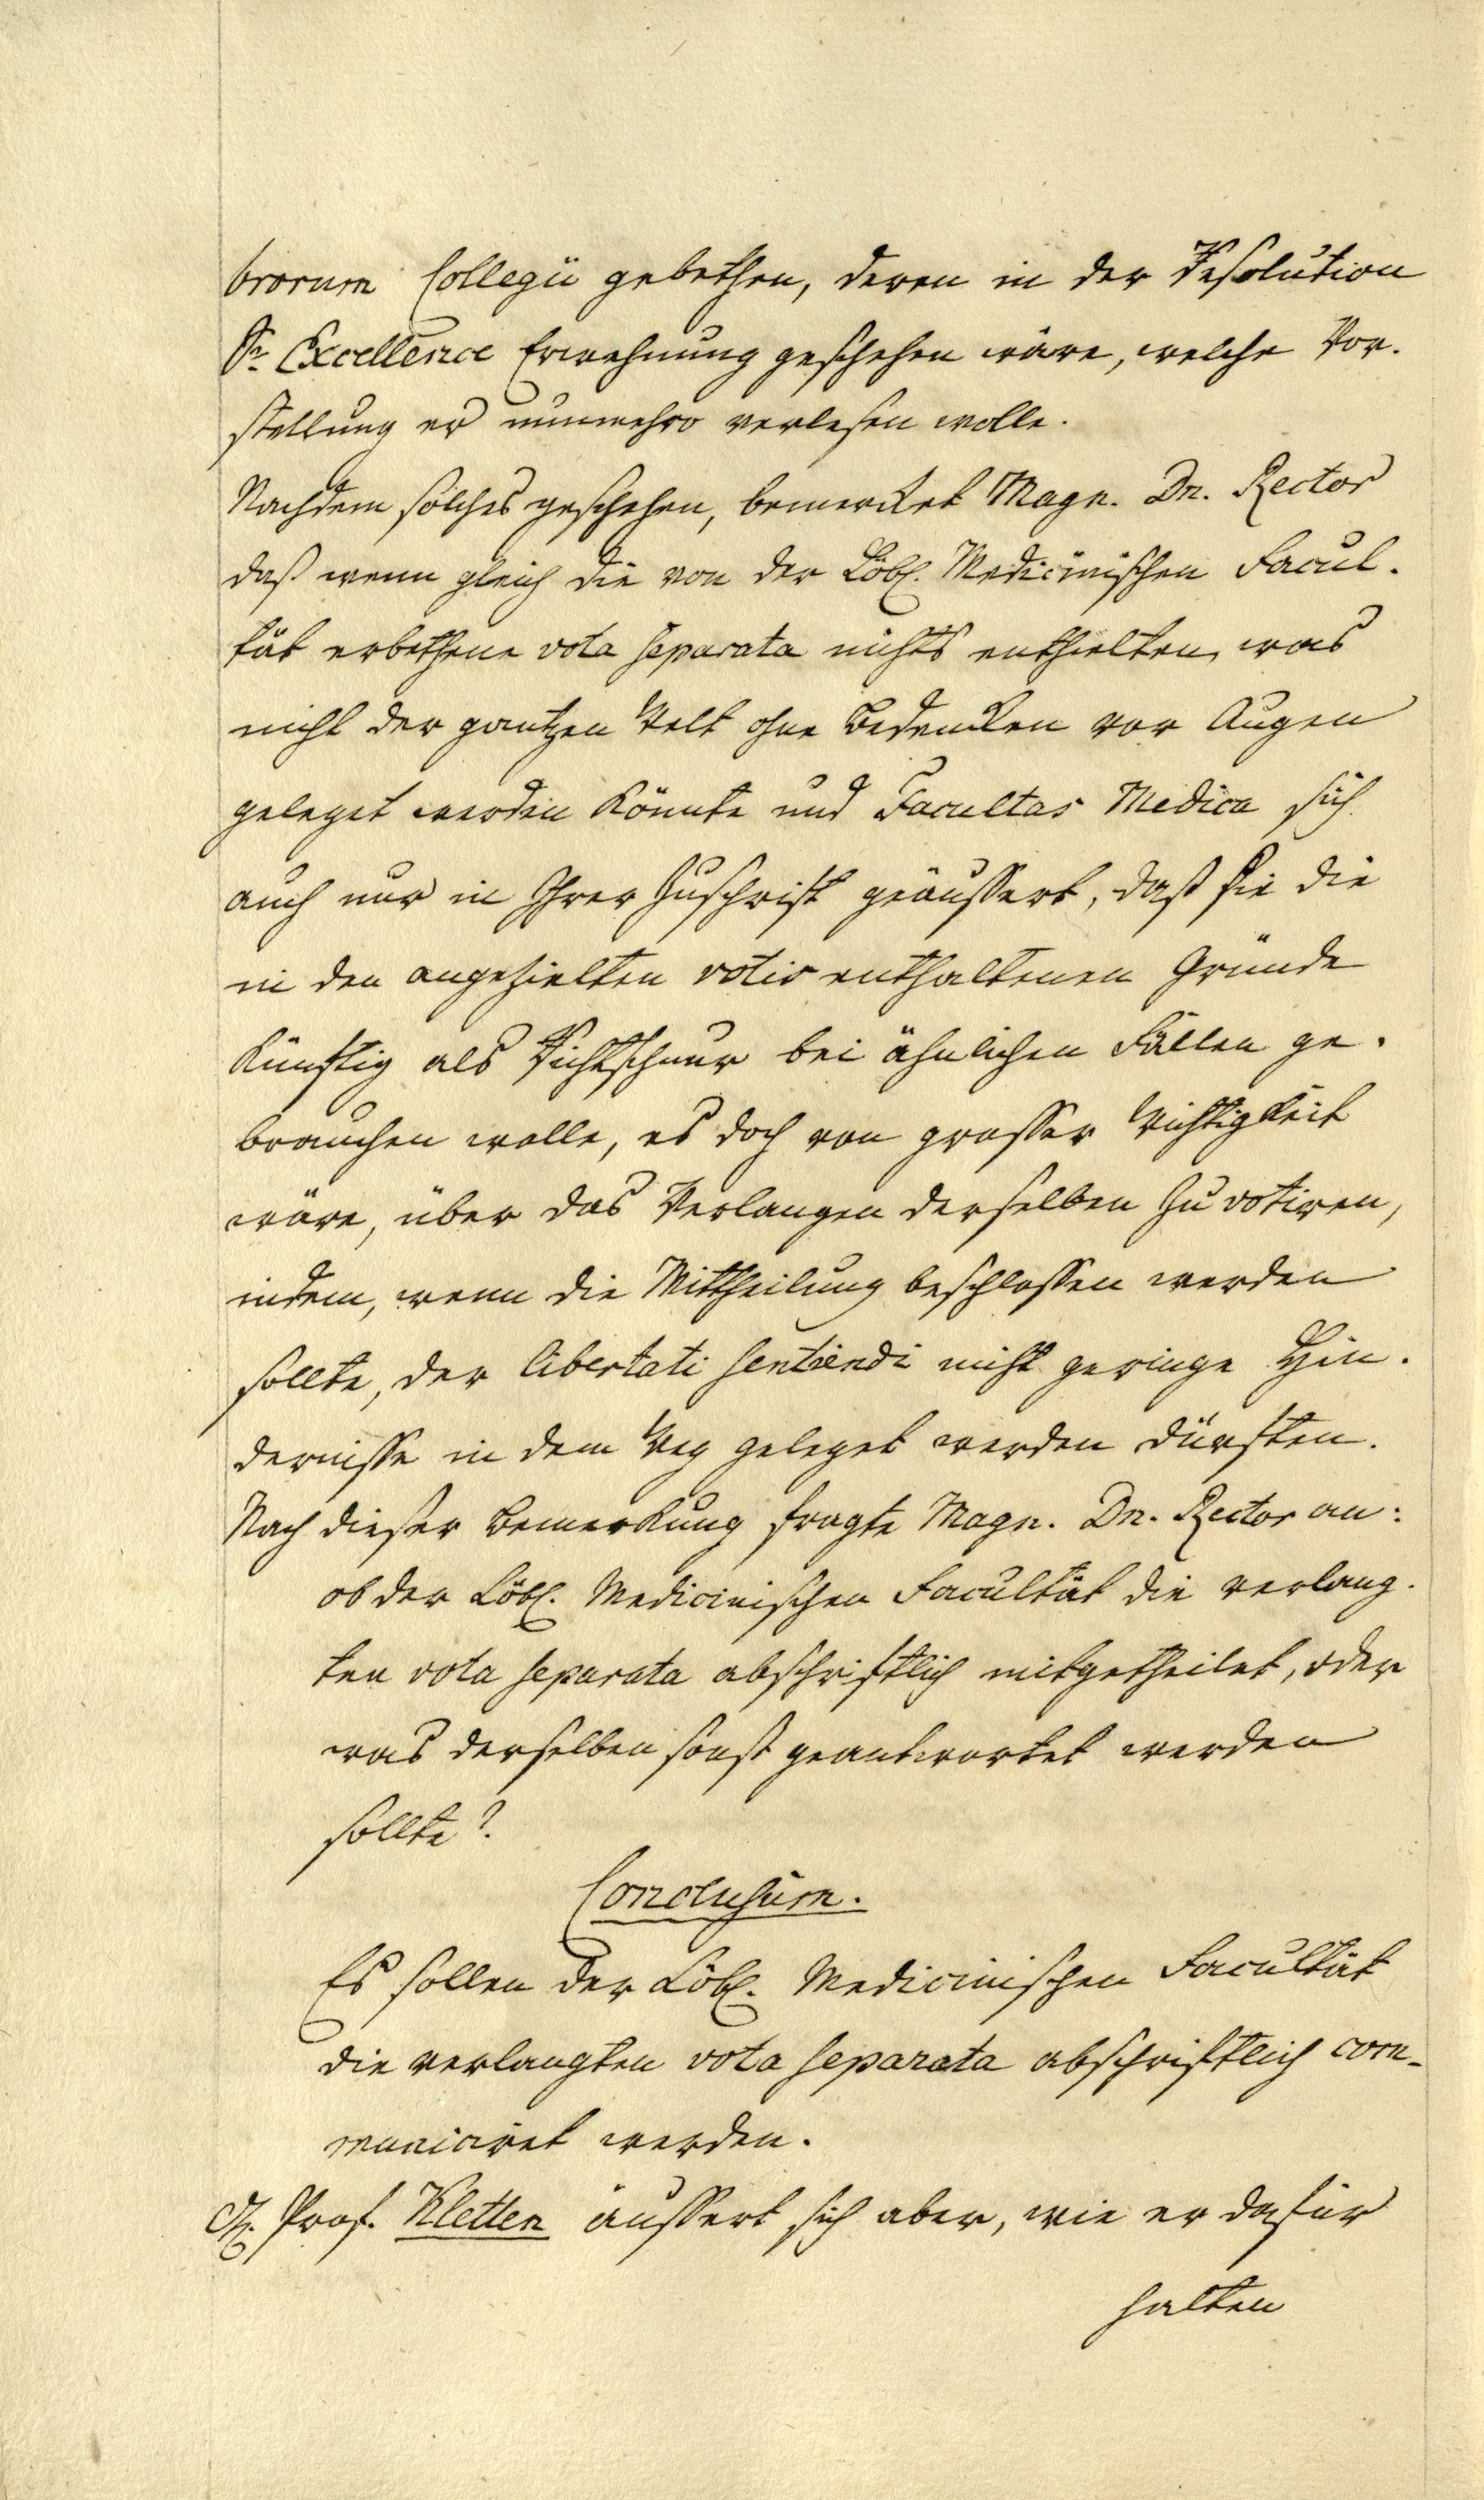brorum Collegii gebethen, deren in der Resolution
Sr Excellence Erwehnung geschehen wäre, welche V¬or
stellung er nunmehro verlesen wolle.
Nachdem solches geschehen, bemercket Magn. Dn. Rector
daß wenn gleich die von der Löbl. Medicinischen Facul¬
tät erbethene vota separata nichts enthielten, was
nicht der gantzen Welt ohne Bedencken vor Augen
gelegt werden könnte und Faultas Medica sich
auch nur in ihrer Zuschrift geäussert, daß sie die
in den angezielten votis enthaltenen Gründe
künftig als Richtschnur bei ähnlichen Fällen ge¬
brauchen wolle, es doch von grosser Wichtigkeit
wäre, über das Verlangen derselben zu votiren,
indem, wenn die Mittheilung beschlossen werden
sollte, der libertati sentiendi nicht geringe Hin¬
dernisse in dem Weg gelegt werden dürften.
Nach dieser Bemerkung fragte Magn. Dn. Rector an:
ob der Löbl. Medicinischen Facultät die verlang¬
ten vota separata abschriftlich mitgetheilet, oder
was derselben sonst geantwortet werden
sollte?
Conclusum.
Es sollen der Löbl. Medicinischen Facultät
die verlangten vota separata abschriftlich com¬
municiret werden.
dh. Prof. Kletten äussert sich aber, wie er dafür
halten